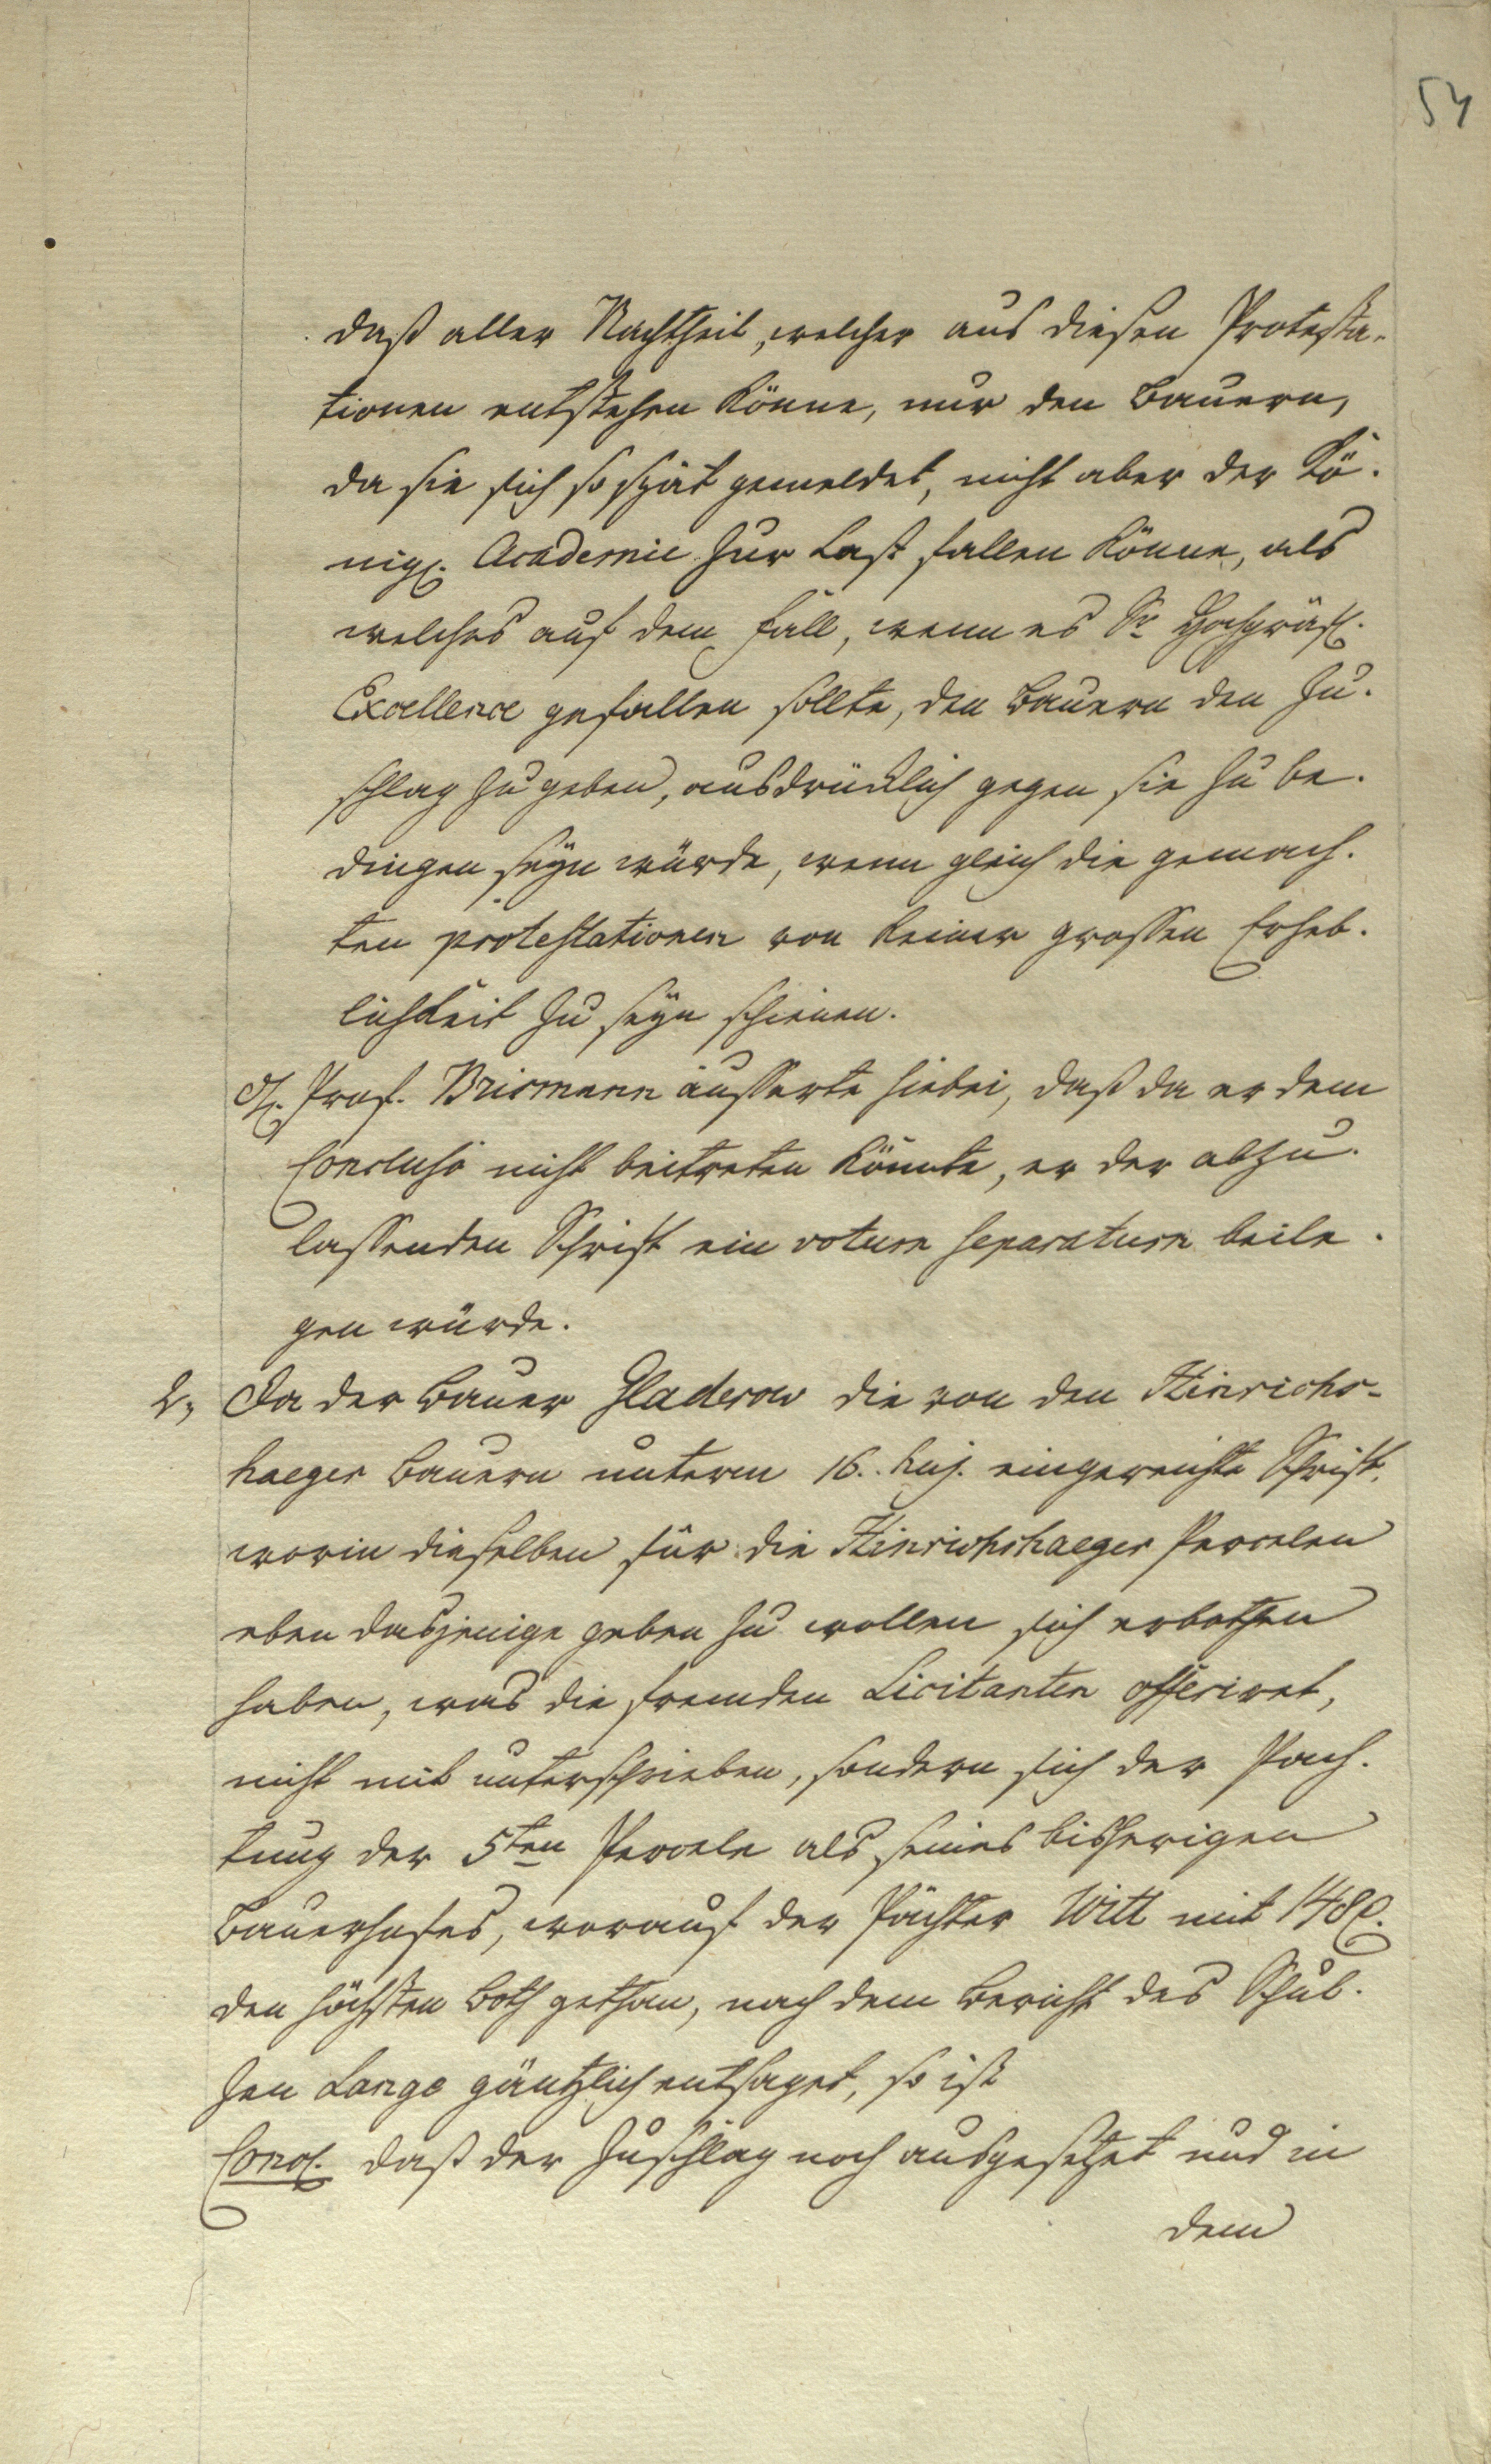daß aller Nachtheil, welcher aus diesen Protesta¬
tionen entstehen könne, nur den Bauern,
da sie sich so spät gemeldet, nicht aber der Kö¬
nigl. Academie zur Last fallen könne, als
welches auf dem Fall, wenn es Sr Hochgräfl.
Excellence gefallen sollte, den Bauern den Zu¬
schlag zu geben, ausdrücklich gegen sie zu be¬
dingen seÿn würde, wenn gleich die gemach¬
ten protestationen von keiner grossen Erheb¬
lichkeit zu seÿn schienen.
dh. Prof. Brismann äusserte hiebei, daß da er dem
Concluso nicht beitreten könnte, er der abzu¬
lassenden Schrift ein votum separatum beile-
gen würde.
2. Da der Bauer Gladerow die von den Hinrichs¬
haeger Bauern unterm 16. huj. eingereichte Schrift,
worin dieselben für die Hinrichshaeger Percelen
eben dasjenige geben zu wollen sich erbothen
haben, was die fremden Licitanten offeriret,
nicht mit unterschrieben, sondern sich der Pach¬
tung der 5 ten Percele als seines bisherigen
Bauerhofes, worauf der Pächter Witt mit 148 l.
den höchsten Both gethan, nach dem Bericht des Schul¬
zen Lange gäntzlich entsaget, so ist
Concl. daß der Zuschlag noch ausgesetzet und in
dem